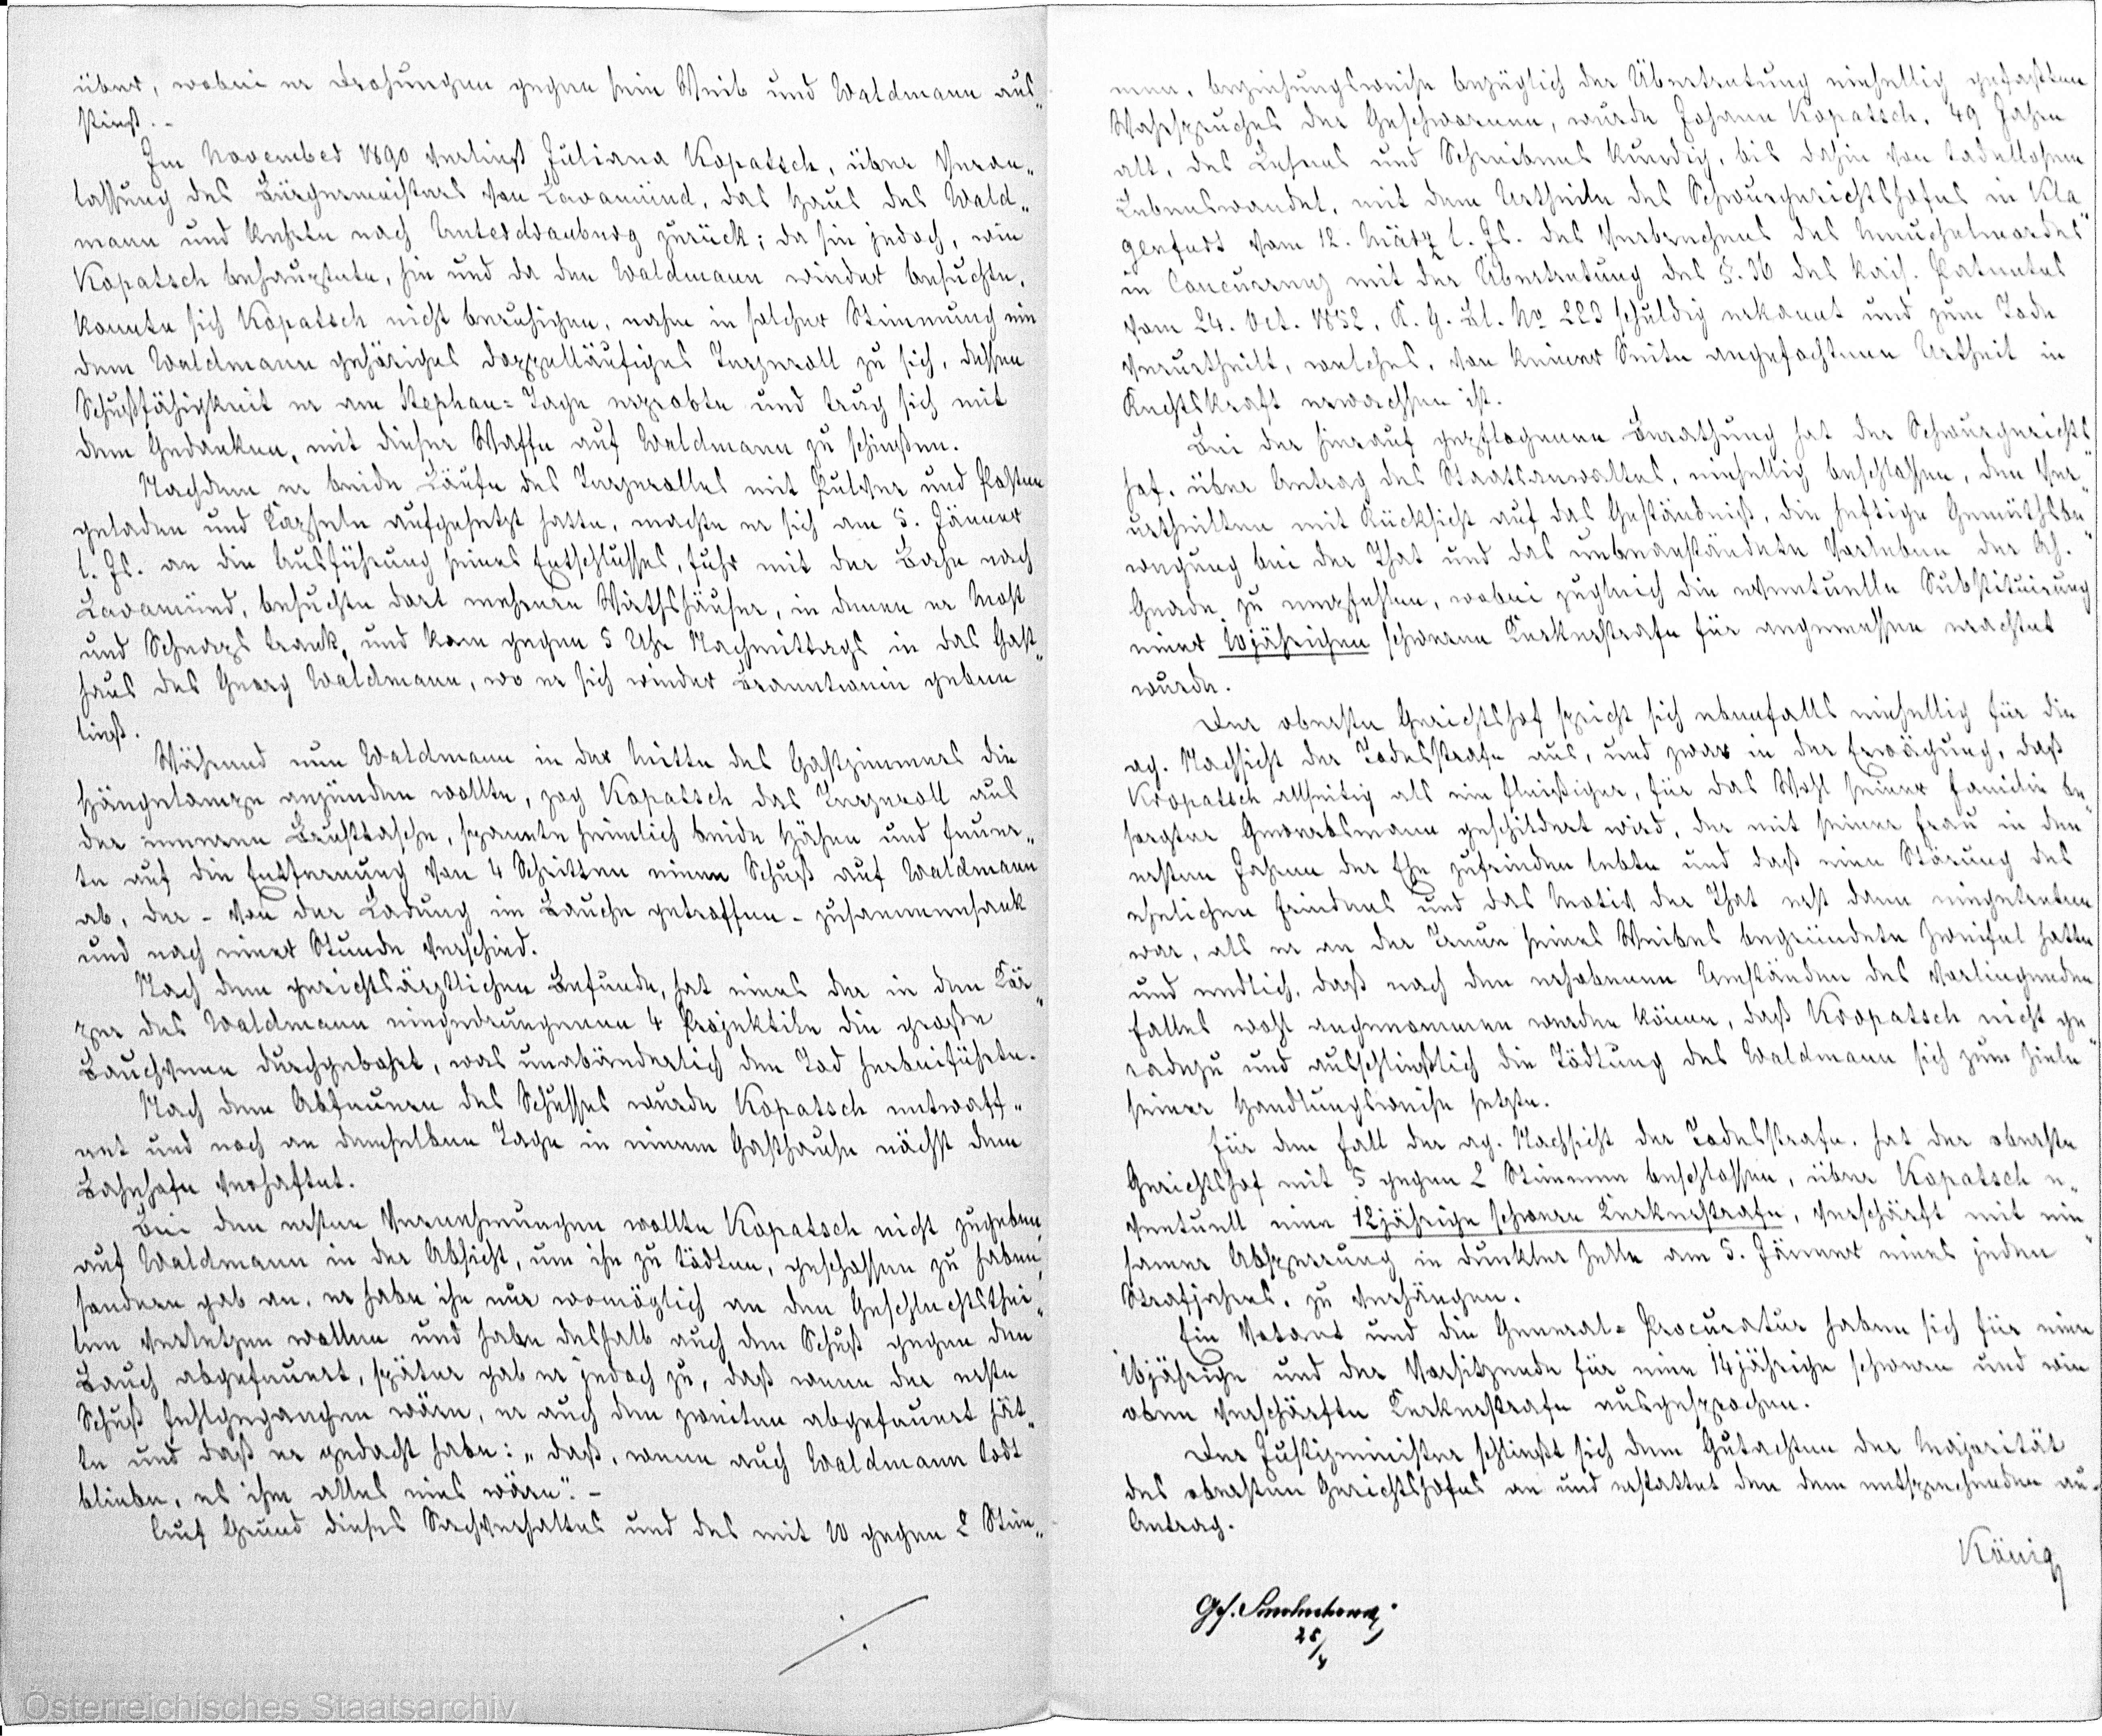über, wobei er Drohungen gegen sein Weib und Waldmann aus¬
stieß.
Im November 1890 verließ Jüliana Kopatsch, über Veran¬
lassung des Bürgermeisters von Lavamünd, das Haus des Wald¬
mann und kehrte nach Unterdrauburg zurück; da sie jedoch, wie
Kopatsch behauptete, hin und da den Waldmann wieder besuchte,
konnte sich Kopatsch nicht beruhigen, nahm in solcher Stimmung ein
dem Waldmann gehöriges doppelläufiges Terzeroll zu sich, dessen
Schußfähigkeit er am Stephan-Tage erprobte und trug sich mit
dem Gedanken, mit dieser Waffe auf Waldmann zu schießen.
Nachdem er beide Läufe des Terzerolles mit Pulver und Posten
geladen und Kapsele aufgesetzt hatte, machte er sich am 5. Jänner
l. Js. an die Ausführung seines Entschlusses, fuhr mit der Bahn nach
Lavamünd, besuchte dort mehrere Wirtshäuser, in denen er Most
und Schnaps trank, und kam gegen 5 Uhr Nachmittags in das Gast¬
haus des Georg Waldmann, wo er sich wieder Branntwein geben
ließ.
Während nun Waldmann in der Mitte des Gastzimmers die
Hängelampe anzünden wollte, zog Kopatsch das Terzeroll aus
der inneren Brusttasche, spannte heimlich beide Bähne und feuer¬
te auf die Entfernung von 4 Schriften einen Schuß auf Waldmann
ab, der – von der Ladung im Bauche getroffen – zusammensank
und nach einer Stunde verschied.
Nach dem gerichtsärztlichen Befunde, hat eines der in den Kör¬
pers des Waldmann eingedrungenen 4 Projektile die große
Bauchvene durchgebohrt, was unabänderlich den Tod herbeiführte.
Nach dem Abfeuern des Schusses wurde Kopatsch entwaff¬
net und noch an demselben Tage in einem Gasthause nächst dem
Bahnhofe verhaftet.
Bei den ersten Vernehmungen wollte Kopatsch nicht zugeben
auf Waldmann in der Absicht, um ihn zu tödten, geschossen zu haben
sondern gab an, er habe ihn nur womöglich an den Geschlechtsthei¬
len verletzten wollen und habe deshalb auch den Schuß gegen den
Bauch abgefeuert, später gab er jedoch zu, daß wenn der erste
Schuß fehlgegangen wäre, er auch den zweiten abgefeuert hät¬
te und daß er gedacht habe: „daß, wenn auch Waldmann todt
bliebe, es ihm alles eins wäre.“
Auf Grund dieses Sachverhaltes und des mit 10 gegen 2 Stim¬
men, beziehungsweise bezüglich der Übertretung einhellig gefaßten
Wahrspruches des Geschworenen, wurde Johann Kopatsch, 49 Jahre
alt, des Lesens und Schreibens kündig, bis dahin von tadellosem
Lebenswandel, mit dem Urtheilen des Schwurgerichtshofes in Kla¬
genfurt vom 12. März l. Js. des Verbrechens des Meuchelmordes
in Concurrenz mit der Übertretung des §36 des kais. Patentes
vom 24. Oct. 1852, R. G. Bl. No 223 schuldig erkannt und zum Tode
Verurtheilt, welches, von keiner Seite angefochtene Urtheil in
Rechtskraft erwachsen ist.
Bei der hierauf gepflogenen Berathung hat der Schwurgerichts¬
hof, über Antrag des Staatsanwaltes, einhellig beschlossen, den Ver¬
urtheilten mit Rücksicht auf das Geständniß, die heftige Gemüthsbe¬
wegung bei der That und das unbeanständete Vorleben der Ah.
Gnade zu empfehlen, wobei zugleich die eventuelle Substituirung
einer 20 jährige schweren Kerkerstrafe für angemessen erachtet
wurde.
Der oberste Gerichtshof spricht sich ebenfalls einhellig für die
ag. Nachsicht der Todesstrafe aus, und zwar in der Erwägung, daß
Kropatsch allseitig als ein fleißiger, für das Wohl seiner Familie be¬
sorgter Gewerksmann geschildert wird, der mit seiner Frau in den
ersten Jarhen der Ehe zufrieden lebte und daß eine Störung des
ehelichen Friedens und des Motiv der That erst dann eingetreten
war, als er an der Treue seines Weibes begründete Zweifel hatte
und endlich, daß nach den erhobenen Umständen des vorliegenden
Falles wohl angenommene werden könne, daß Kropatsch nicht ge¬
radezu und ausschließlich die Tödtung des Waldmann sich zum Ziele
seiner Handlungsweise setzte.
Für den Fall der ag. Nachsicht der Todesstrafe, hat der oberste
Gerichtshof mit 5 gegen 2 Stimmen beschlossen, über Kopatsch e¬
ventuell eine 12jährige schwere Kerkerstrafe, verschärft mit ein¬
samer Absperrung in dunkler Zelle am 5. Jänner eines jeden
Strafjahres, zu verschärfen.
Ein Votant und die General-Procuratur haben sich für eine
16 jährige und der Vorsitzende für ein 14jährige schwere und wie
oben verschärfte Kerkerstrafe ausgesprochen.
Der Justizminister schließ sich dem Gutachten der Majorität
des obersten Gerichtshofes an und erstattet den dem entsprechenden au.
Antrag.
König
Ges. Smolenkow
25/4